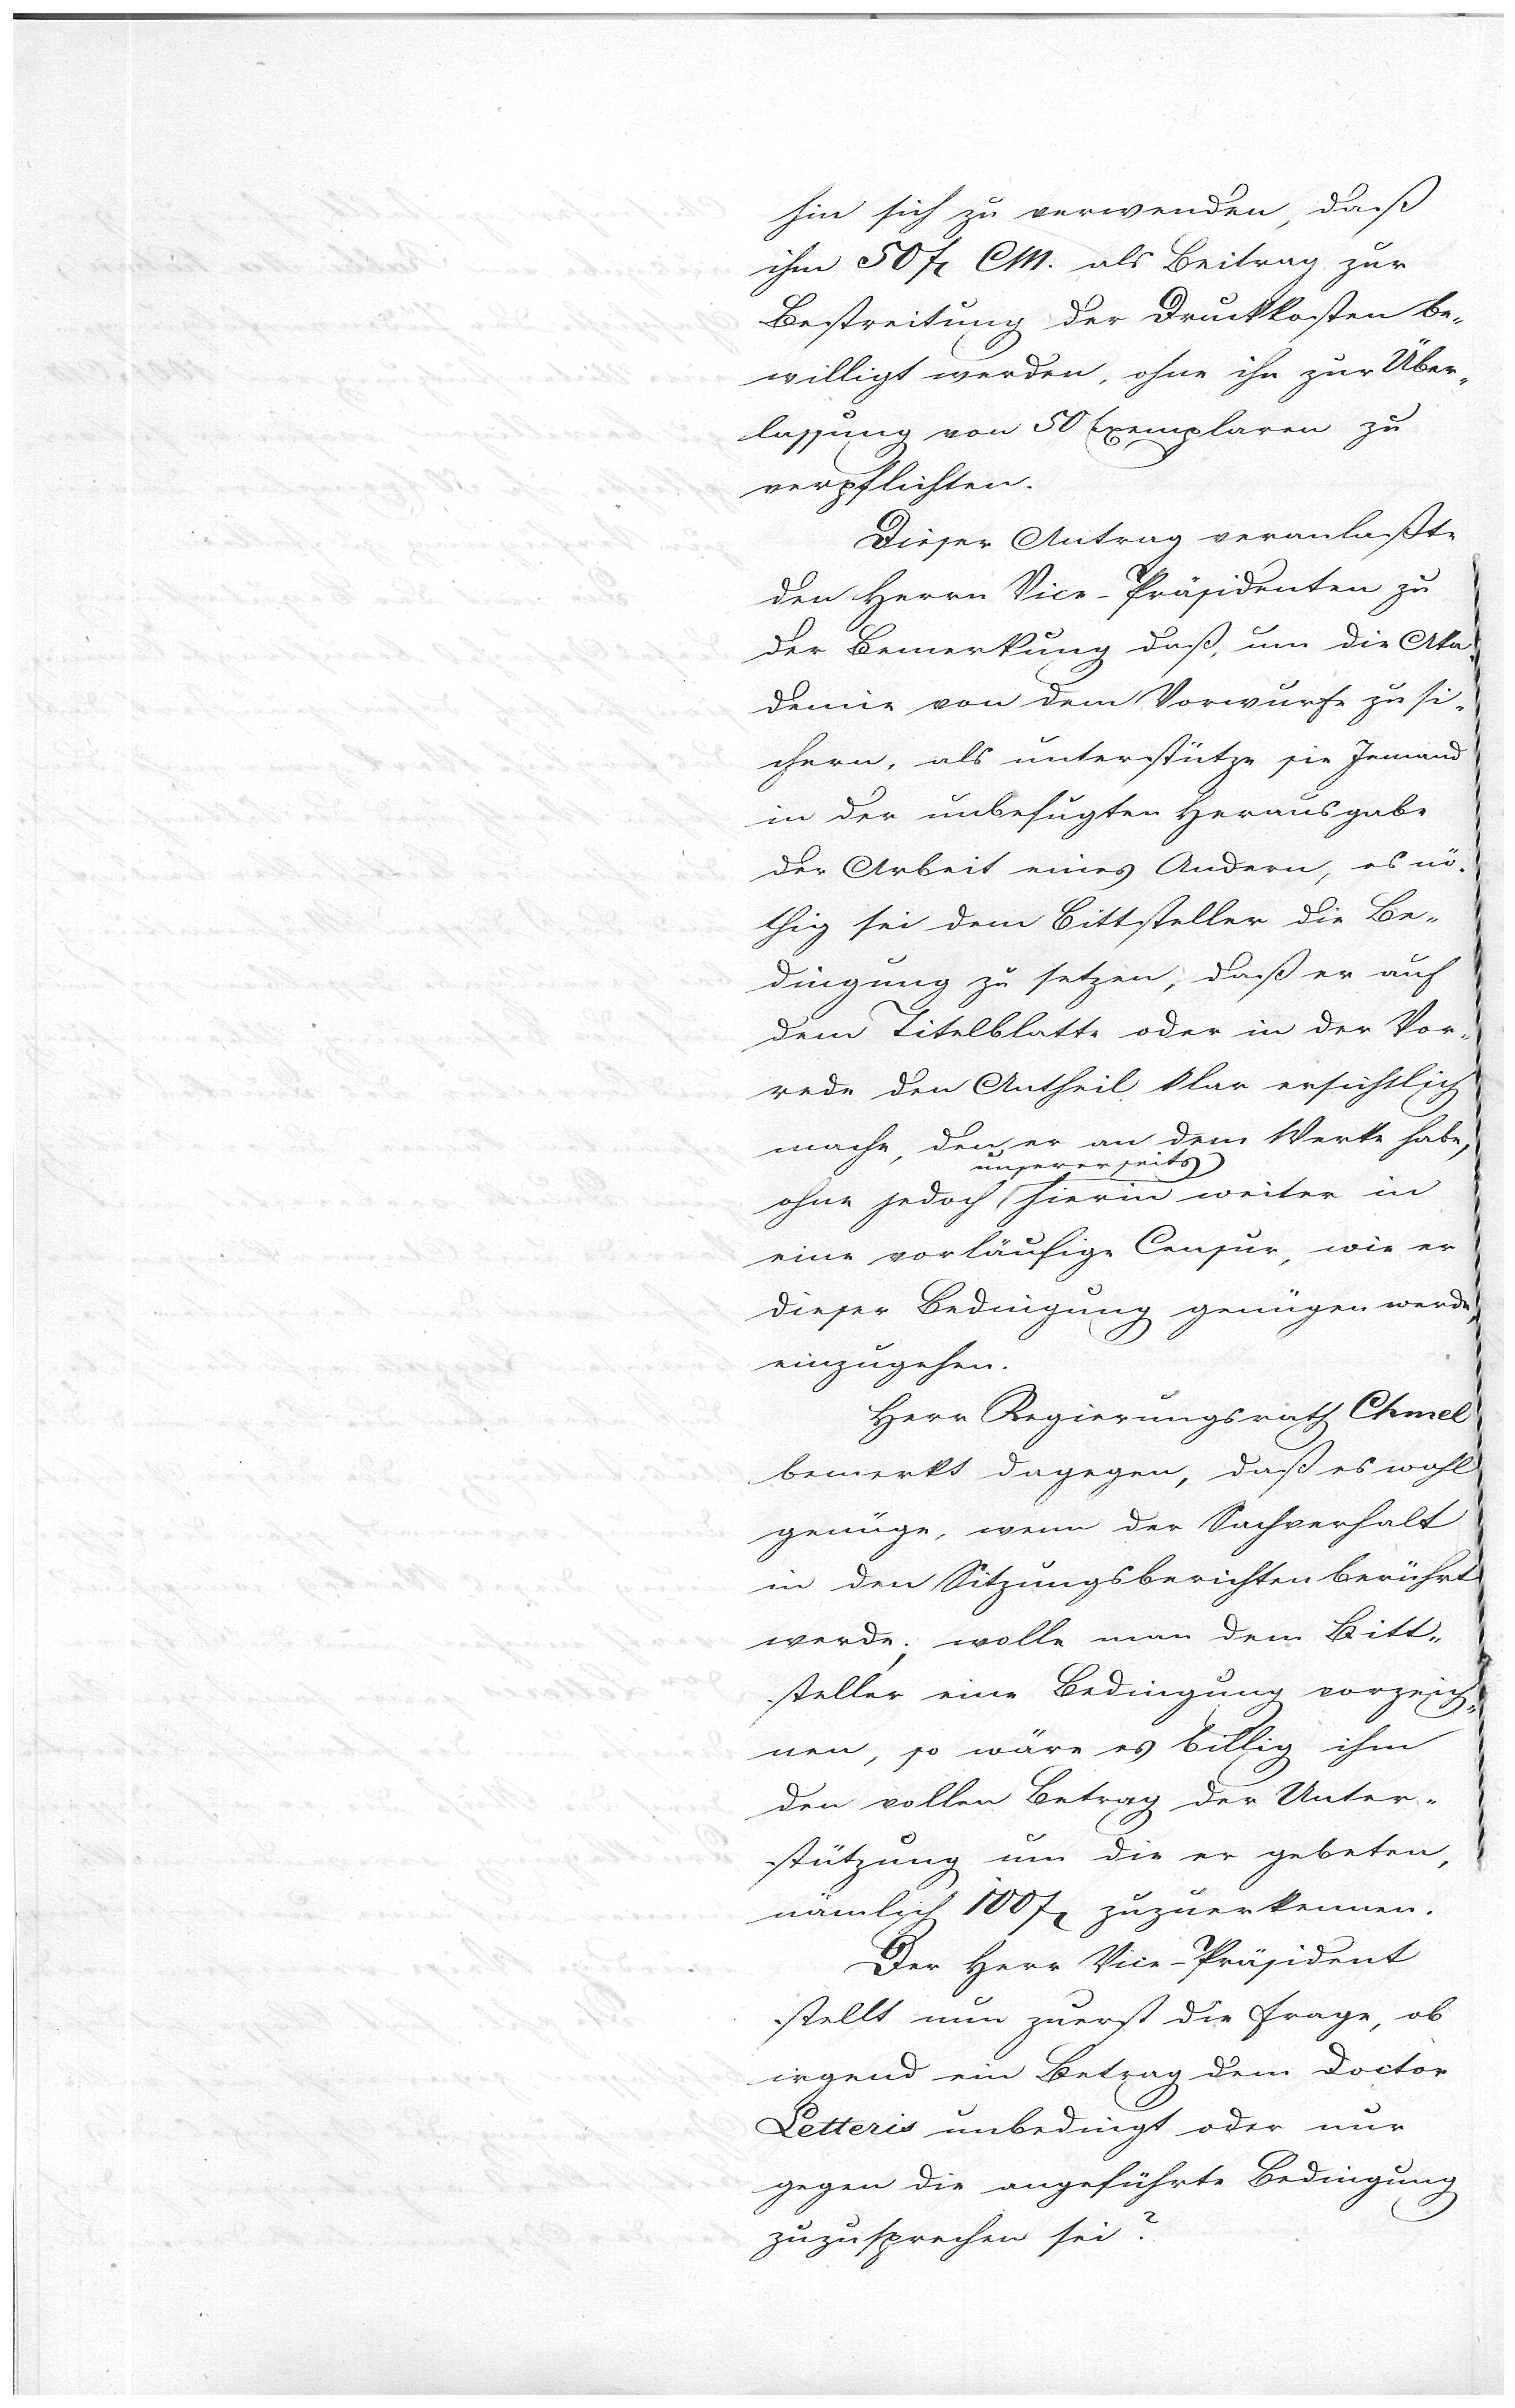hin sich zu verwenden, daß
ihm 50 fr. CM. als Beitrag zur
Bestreitung der Druckkosten be-
willigt werden, ohne ihn zur Über-
lassung von 50 Exemplaren zu
verpflichten.
Dieser Antrag veranlaßte
den Herrn Vice-Präsidenten zu
der Bemerkung daß um die Aka-
demie von dem Vorwurfe zu si-
chern, als unterstütze sie Jemand
in der unbefugten Herausgabe
der Arbeit eines Andern, es nö-
thig sei dem Bittsteller die Be-
dingung zu setzen, daß er auf
dem Titelblatte oder in der Vor-
rede den Antheil klar ersichtlich
mache, den er an dem Werke habe;
unsererseits
ohne jedoch hierin weiter in
eine vorläufige Censur, wie er
dieser Bedingung genügen werde,
einzugehen.
Herr Regierungsrath Chmel
bemerkt dagegen, daß es wohl
genüge, wenn der Sachverhalt
in den Sitzungsberichten berührt
werde, wolle man dem Bitt-
steller eine Bedingung vorzeich-
nen, so wäre es billig, ihm
den vollem Betrag der Unter-
stützung um die er gebeten
nämlich 100 fr. zuzuerkennen.
Der Herr Vice-Präsident
stellt nun zuerst die Frage, ob
irgend ein Betrag dem Doctor
Letteris unbedingt oder nur
gegen die angeführte Bedingung
zuzusprechen sei?